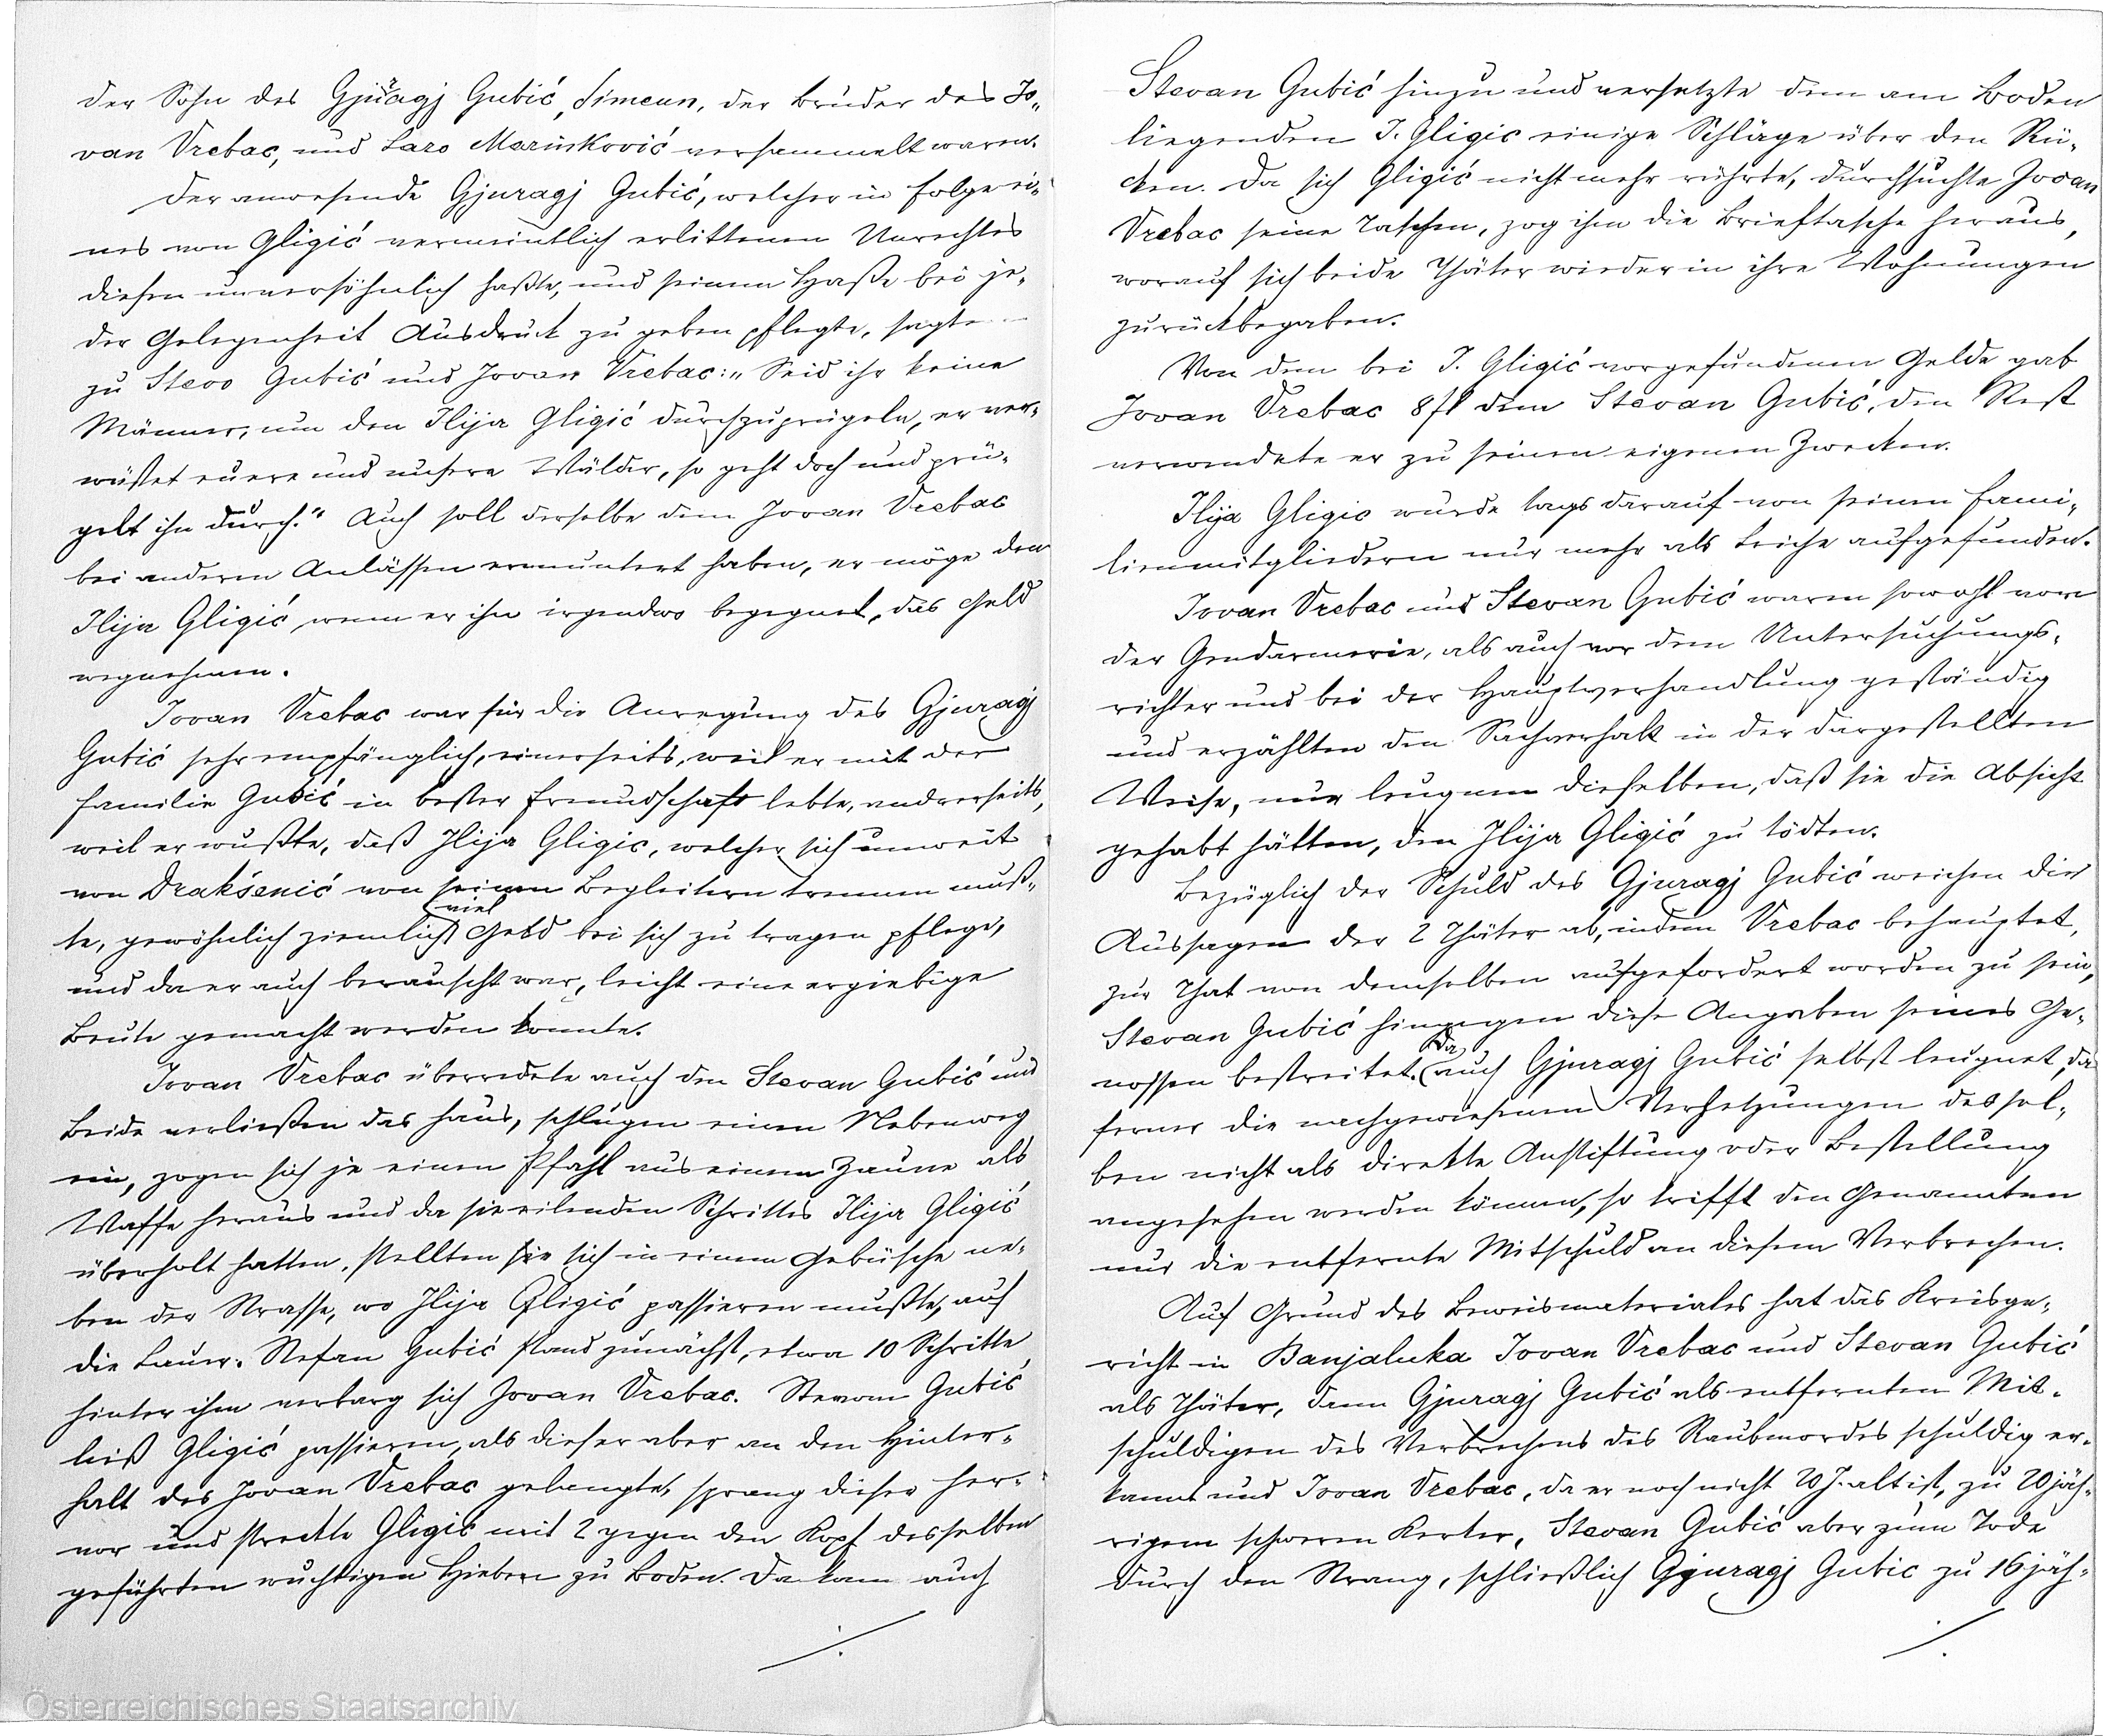der Sohn des Gjuragj Gubić, Simeun, der Bruder des Jo¬
van Vrebac, und Lazo Marinković versammelt waren.
Der anwesende Gjuragj Gubić, welcher in Folge ei¬
nes von Gligić vermeintlich erlittenen Unrechtes
diesen unversöhnlich haßte, und seinen Haße bei je¬
der Gelegenheit Ausdruck zu geben pflegte, sagte
zu Stevo Gubić aus Jovan Vrebac: „Seid ihr keine
Männer, um den Ilija Gligić durchzuprügeln, er ver¬
wüstet euere und unsere Wälder, so geht doch und prü¬
gelt ihn durch.“ Auch soll derselbe dem Jovan Vrebac
bei anderen Anlässen ermuntert haben, er möge den
Ilija Gligić wenn er ihn irgendwo begegnet, das Geld
wegnehmen.
Jovan Vrebac war für die Anregung des Gjuragj
Gubić sehr empfänglich, einerseits, weil er mit der
Familie Gubić in bester Freundschaft lebte, anderrseits,
weil er wußte, daß Ilija Gligić, welcher sich unweit
von Drakšenić von seinen Begleitern trennen muß¬
viel
te, gewöhnlich ziemlich Geld bei sich zu tragen pflege,
und da er auch berauscht war, leicht eine ergiebige
Beute gemacht werden konnte.
Jovan Vrebac überredete auch den Stevan Gubić und
Beide verließen das Haus, schlugen einen Nebenweg
sie, zogen sich je einen Pfahl aus einem Zaune als
Waffe heraus und da sie eilenden Schrittes Ilija Gligić
überholt hatten, stellten sie sich in einem Gebüsche ne¬
ben der Straffe, wo Ilija Gligić passieren mußte, auf
die Lauer. Stefan Gubić stand zunächst, etwa 10 Schritte
hinter ihm verbarg sich Jovan Vrebac. Stevan Gubić
ließ Gligić passieren, als dieser aber an den Hinter¬
halt des Jovan Vrebac gelangte, sprang dieser her¬
vor und streckte Gligić mit 2 gegen den Kopf desselben
geführten wuchtigen Hieben zu Boden. Da kann auch
Stevan Gubić hinzu und versetzte dem am Boden
liegenden J. Gligic einige Schläge über den Rü¬
cken. Da sich Gligić nicht mehr rührte, durchsuchte Jovan
Vrebac seine Taschen, zog ihm die Brieftasche heraus,
worauf sich beide Thäter wieder in ihre Wohnungen
zurückbegaben.
Von dem bei J. Gligić vorgefundenen Gelde gab
Jovan Vrebac 8fl dem Stevan Gubić, den Rest
verwendete er zu seinen eigenen Zwecken.
Ilija Gligic wurde tags darauf von seinen Fami¬
lienmitgliedern nur mehr als Leiche aufgefunden.
Jovan Vrebac und Stevan Gubić waren sowohl vor
der Gendarmerie, als auch vor dem Untersuchungs¬
richter und bei der Hauptverhandlung geständig
und erzählten den Sachverhalt in der dargestellten
Weise, nur leugnen dieselben, daß sie Absicht
gehabt hätten, den Ilija Gligić zu tödten.
Bezüglich der Schuld des Gjuragj Gubić weichen die
Aussagen der 2 Thäter ab, indem Vrebac behauptet,
zur That von demselben aufgefordert worden zu sein,
Stevan Gubić hingegen diese Angaben seines Ge¬
Da
nossen bestreitet. auch Gjuragj Gubić selbst leugnet, da
ferner die nachgewiesenen Verhetzungen dessel¬
ben nicht als direkte Anstiftung oder Bestellung
angesehen werden können, so trifft den Genannten
nur die entfernte Mitschuld an diesem Verbrechen.
Auf Grund des Beweismateriales hat das Kreisge¬
richt in Banjaluka Jovan Vrebac und Stevan Gubić
als Thäter, dann Gjuragj Gubić als entfernten Mit¬
schuldigen des Verbrechens des Raubmordes schuldig er¬
kannt und Jovan Vrebac, da er noch nicht 20 J. alt ist, zu 20jäh¬
rigern schweren Kerker, Stevan Gubić aber zum Tode
durch den Strang, schließlich Gjuragj Gubic zu 16jäh¬